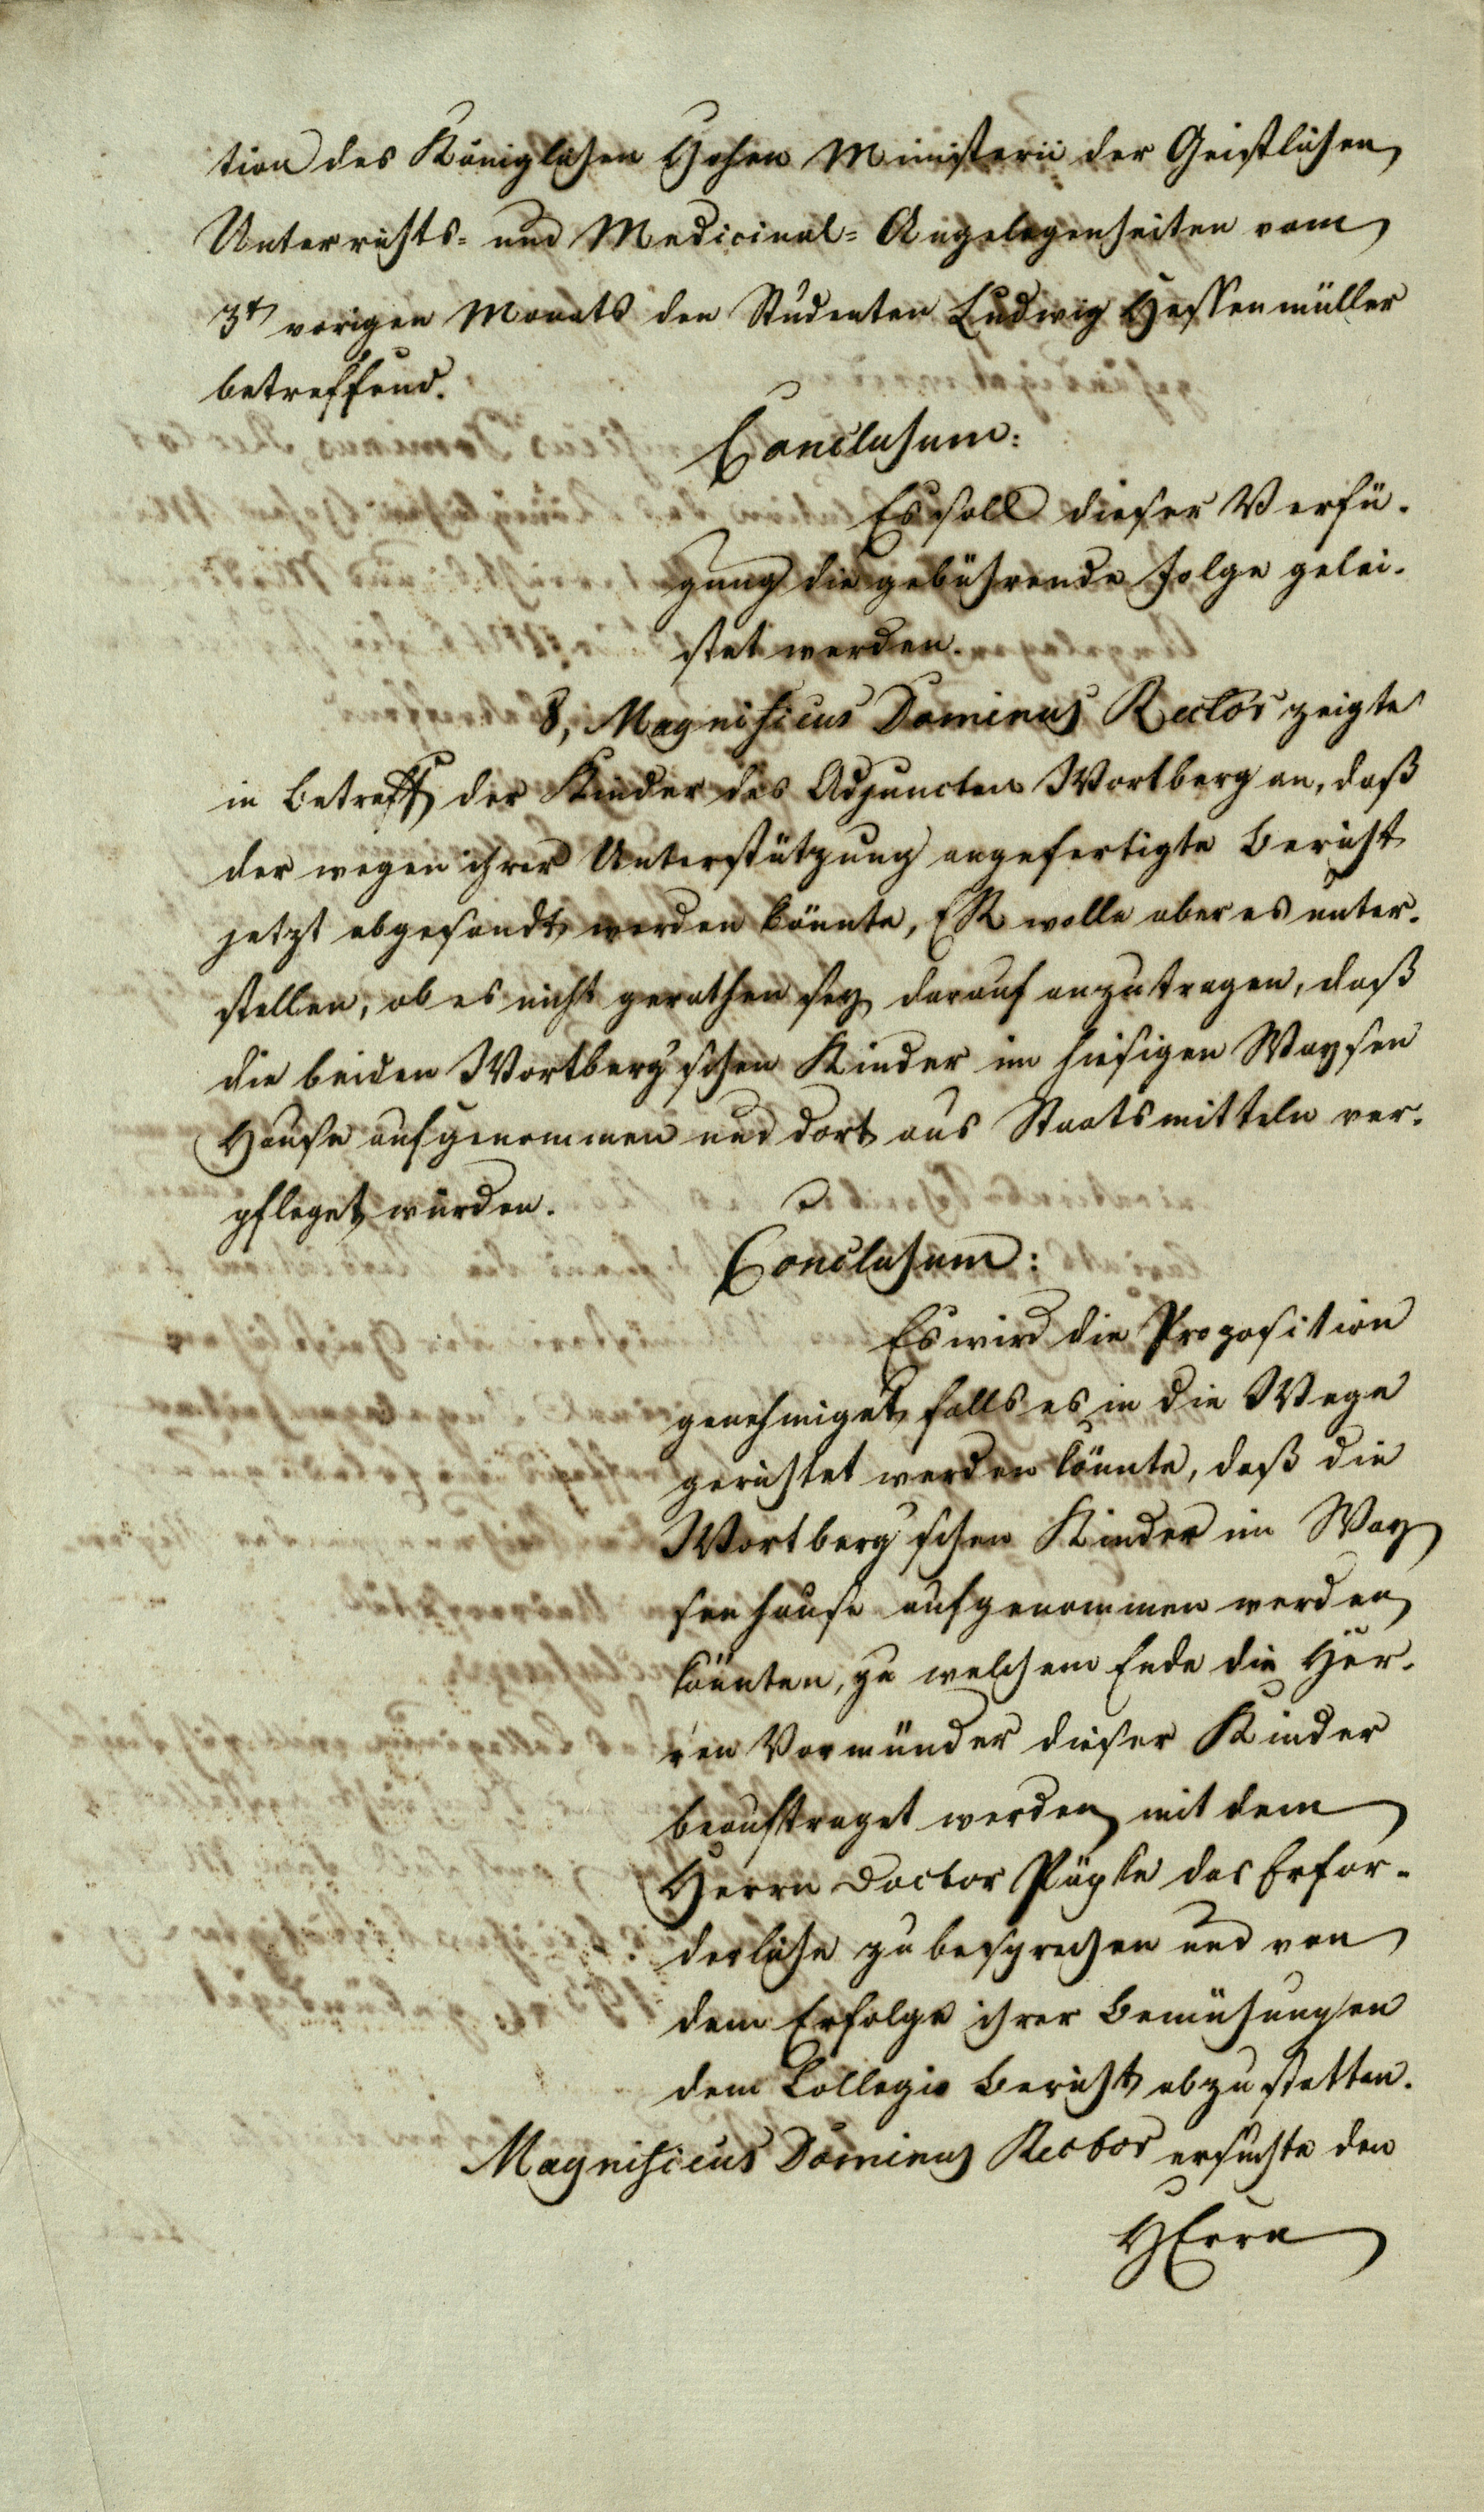tion des Königlichen Hohen Ministerii der Geistlichen,
Unterrichts- und Medicinal- Angelegenheiten vom
3 t vorigen Monats den Studenten Ludwig Hessenmüller
betreffend.
Conclusum:
Es soll dieser Verfü¬
gung die gebührende Folge gelei¬
stet werden.
8, Magnificus Dominus Rector zeigte
in Betreff der Kinder des Adjuncten Wortberg an, daß
der wegen ihrer Unterstützung angefertigte Bericht
jetzt abgesandt werden könnte, ER wolle aber es unter¬
stellen, ob es nicht gerathen sey, darauf anzutragen, daß
die beiden Wortberg'schen Kinder im hiesigen Waysen
Hause aufgenommen und dort aus Staatsmitteln ver¬
pfleget würden.
Conclusum
Es wird die Proposition
genehmiget falls es in die Wege
gerichtet werden könnte, daß die
Wortberg'schen Kinder im Way¬
senhause aufgenommen werden
könnten, zu welchem Ende die Her¬
ren Vormünder dieser Kinder
beauftraget werden, mit dem
Herrn Doctor Päpke das Erfor¬
derliche zu besprechen und von
dem Erfolge ihrer Bemühungen
dem Collegio Bericht abzustatten.
Magnificus Dominus Rector ersuchte den
Herrn